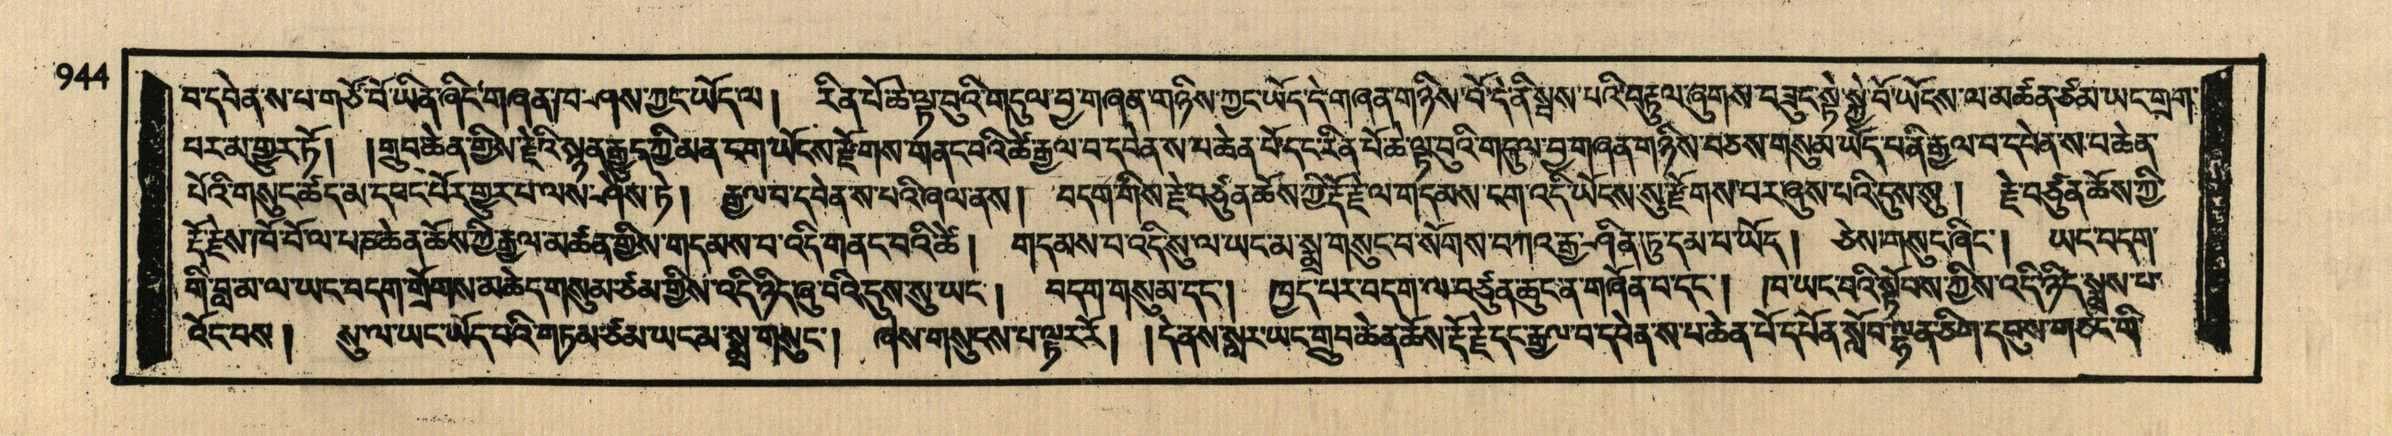བ་དབེན་ས་པ་གཙོ་བོ་ཡིན་ཞིང་གཞན་ཁ་ཤས་ཀྱང་ཡོད་ལ། རིན་པོ་ཆེ་ལྟ་བུའི་གདུལ་བྱ་གཞན་གཉིས་ཀྱང་ཡོད་དེ་གཞན་གཉིས་པོ་དེ་ནི་སྦས་པའི་བརྟུལ་ཞུགས་བཟུང་སྟེ་སྐྱེ་བོ་ཡོངས་ལ་མཚན་ཙམ་ཡང་གྲག་
པར་མ་གྱུར་ཏོ། །གྲུབ་ཆེན་གྱིས་རྗེའི་སྙན་རྒྱུད་ཀྱི་མན་ངག་ཡོངས་རྫོགས་གནང་བའི་ཚེ་རྒྱལ་བ་དབེན་ས་པ་ཆེན་པོ་དང་རིན་པོ་ཆེ་ལྟ་བུའི་གདུལ་བྱ་གཞན་གཉིས་བཅས་གསུམ་ཡོད་པ་ནི་རྒྱལ་བ་དབེན་ས་བ་ཆེན་
པོའི་གསུང་ཚད་མ་དབང་པོར་གྱུར་པ་ལས་ཤེས་ཏེ། རྒྱལ་བ་དབེན་ས་པའི་ཞལ་ནས། བདག་གིས་རྗེ་བཙུན་ཆོས་ཀྱི་རྡོ་རྗེ་ལ་གདམས་ངག་འདི་ཡོངས་སུ་རྫོགས་པར་ཞུས་པའི་དུས་སུ། རྗེ་བཙུན་ཆོས་ཀྱི་
རྡོ་རྗེས་ཁོ་བོ་ལ་པཎ་ཆེན་ཆོས་ཀྱི་རྒྱལ་མཚན་གྱིས་གདམས་པ་འདི་གནང་བའི་ཚེ། གདམས་པ་འདི་སུ་ལ་ཡང་མ་སྨྲ་གསུང་བ་སོགས་བཀའ་རྒྱ་ཤིན་ཏུ་དམ་པ་ཡོད། ཅེས་གསུང་ཞིང་། ཡང་བདག་
གི་བླ་མ་ལ་ཡང་བདག་གྲོགས་མཆེད་གསུམ་ཙམ་གྱིས་འདི་ཉིད་ཞུ་བའི་དུས་སུ་ཡང་། བདག་གསུམ་དང་། ཁྱད་པར་བདག་ལ་བཙུན་ཆུང་ན་གཞོན་པ་དང་། ཁ་ཡང་བའི་སྟོབས་ཀྱིས་འདི་ཉིད་སྨྲས་པ་
འོང་བས། སུ་ལ་ཡང་ཡོད་པའི་གཏམ་ཙམ་ཡང་མ་སྨྲ་གསུང་། ཞེས་གསུངས་པ་ལྟར་རོ། །དེ་ནས་སླར་ཡང་གྲུབ་ཆེན་ཆོས་རྡོ་རྗེ་དང་རྒྱལ་བ་དབེན་ས་པ་ཆེན་པོ་དཔོན་སློབ་ལྷན་ཅིག་དབུས་གཙང་གི་